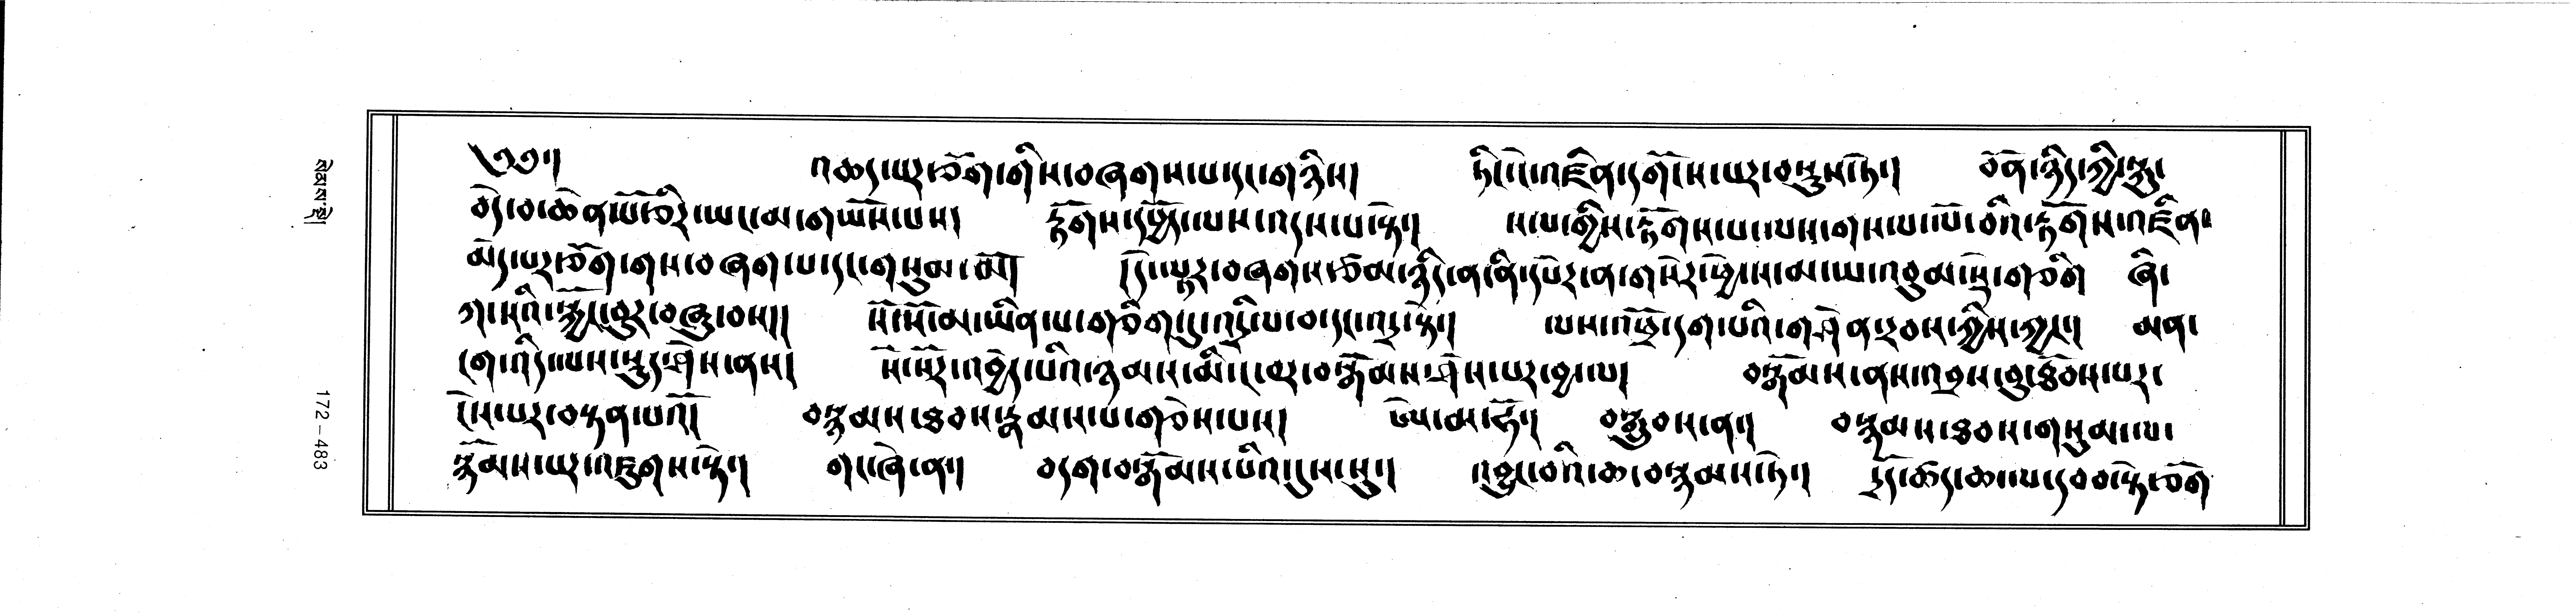འཆད་པར་ཅོག་གིས་བཞགས་པ་དང་གཉིས། ཏིང་ངེ་འཛིན་དགོངས་པར་བསྡུས་ཏེ། བོན་ཉིད་ཀྱི་སྐུ་
བདེ་བ་ཆེན་པོ་ཅིར་ཡང་མ་གཡོས་པས། རྟོགས་དཔྱོད་ལས་འདས་པ་སྟེ། སལ་གྱིས་རྟོགས་པ་ལས་གསལ་ལོ་བའི་རྟོགས་འཛིན་
མེད་པར་ཅོག་གིས་བཞག་པ་དང་གསུམ་མོ། དེ་ལྟར་བཞག་ཙམ་ཉིད་ན་ནི་དཔེར་ན་གསེར་ཕྱེ་ས་མ་ཡ་འབུམ་སྡེ་གཅིག ཞི་
ཀ་སའི་སྐྱོང་བུར་བཞུ་བས། སོ་སོ་མ་ཡིན་པ་གཅིག་དུ་འདྲིལ་བ་དང་འདྲ་སྟེ། ལས་འཕྲོ་དག་པའི་གཤེན་རབ་སྐྱིས་ཀྱང་། མན་
ངག་འདི་ལས་སྡུད་ཤེས་ནས། སོ་སོར་འབྱེད་པའི་ཉམས་མི་མངའ་བར་བསྒོམས་ཤེས་པར་བྱ་ལ། བསྒོམས་ནས་འབྲས་བུ་ཐོབས་པར་
ངེས་པར་བསྟན་པའོ། བསྙམས་ཐབས་རྣམ་པ་གཅེས་པས། ཨེ་མ་ཧོ། བསྒྲུབས་ན། བསྙམས་ཐབས་གསུམ་ལ་
སྙོམས་པར་འཇུགས་སྟེ། གང་ཞེ་ན། བདག་བསྒོམས་པའི་དུས་སུ། འབྱུང་བའི་ཆ་བསྙམས་ཏེ། དྲོད་ཚད་ཆ་ལ་དབབ་སྟེ་ཅོག་